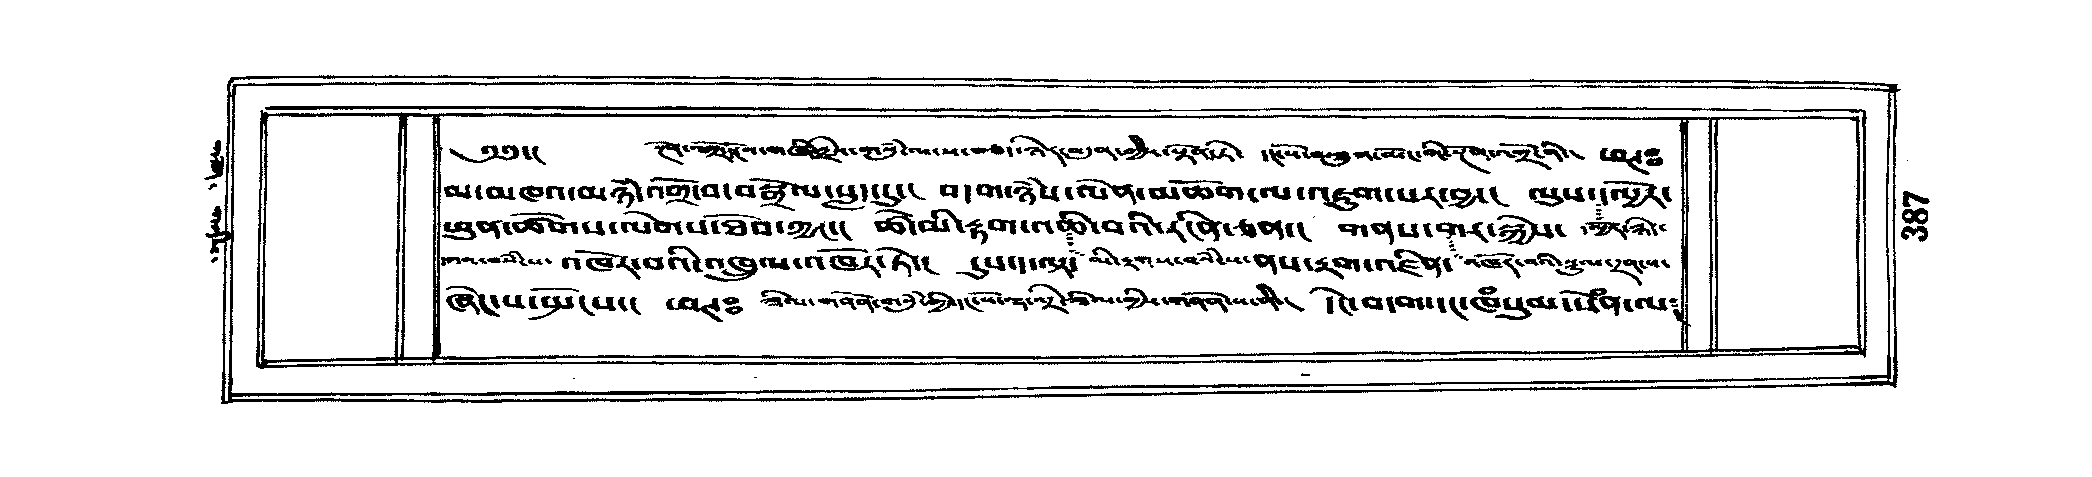སྔོན་འགྲོ་དངོས་གཞི་རྗེས་གསུམ་ལ་ས་བཅད་ཉེར་བདུན་གྱིས་སྟོན་ཏེ། དང་པོ་ཐུན་མོང་གི་སྔོན་འགྲོ་ནི། ཕཊཿ 
མ་མཁའ་མཉམ་འགྲོ་བསྒྲོལ་སླད་དུ། །བདག་ཉམས་ལེན་མཆོག་ལ་འཇུག་པར་བྱ། །ལུས་དལ་འབྱོར་རྙེད་དཀའ་བསམ་པ། ལུས་འབྱོར་
ཕུན་ཚོགས་ལེགས་ཐོབ་ཀྱང་། །ཚེ་མི་རྟག་འཆི་མི་རྟག་བསམ་པ། བའི་རང་བཞིན་ཅན། །གནས་གར་འཁོར་བའི་སྡུག་བསྔལ་དྲན་པ་
འཁོར་བའི་འཁྲུལ་འཁོར་ཏེ། །དུས་ད་ལྟ་ནས་རྟག་འཛིན་
ཞིན་སྤོངས། །ཕཊཿཟིལ་གནོན་གསུམ་གྱི་དང་པོ་ལྷ་འདྲ་ཟིལ་གྱིས་གནོན་པ་ནི། དེང་བདག་དང་ཁམས་སེམས་ཅན་ལ་